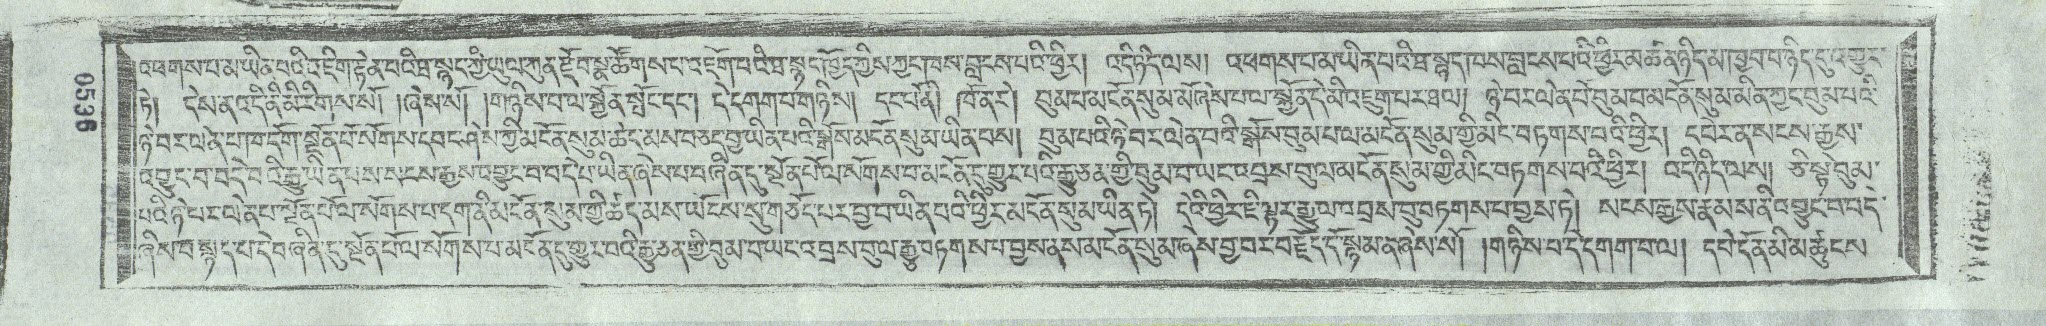འཕགས་པ་མ་ཡིན་པའི་འཇིག་རྟེན་པའི་ཐ་སྙད་ཀྱི་ཡུལ་ཀུན་རྫོབ་སྣ་ཚོགས་པ་འཇོག་པའི་ཐ་སྙད་ཁྱོད་ཀྱིས་ཀྱང་ཁས་བླངས་པའི་ཕྱིར། འདི་ཉིད་ལས། འཕགས་པ་མ་ཡིན་པའི་ཐ་སྙད་ཁས་བླངས་པའི་ཕྱིར་མཚན་ཉིད་མ་ཁྱབ་པ་ཉིད་དུ་འགྱུར་
ཏེ། དེས་ན་འདི་ནི་མི་རིགས་སོ། །ཞེས་སོ། །གཉིས་པ་ལ་སྐྱོན་སྤོང་དང་། དེ་དགག་པ་གཉིས། དང་པོ་ནི། ཁོ་ན་རེ། བུམ་པ་མངོན་སུམ་མོ་ཞེས་པ་ལ་སྐྱོན་དེ་མི་འཇུག་པར་ཐལ། ཉེ་བར་ལེན་པོ་བུམ་པ་མངོན་སུམ་མིན་ཀྱང་བུམ་པའི་
ཉེ་བར་ལེན་པ་ཁ་དོག་སྔོན་པོ་སོགས་དབང་ཤེས་ཀྱི་མངོན་སུམ་ཚོད་མས་བཅད་བྱ་ཡིན་པའི་སྒོས་མངོན་སུམ་ཡིན་པས། བུམ་པའི་ཉེ་བར་ལེན་པའི་སྒོས་བུམ་པ་ལ་མངོན་སུམ་གྱི་མིང་བཏགས་པའི་ཕྱིར། དཔེར་ན་སངས་རྒྱས་
འབྱུང་བ་བདེ་བའི་རྒྱུ་ཡིན་པས་སངས་རྒྱས་འབྱུང་བ་བདེ་པ་ཡིན་ཞེས་པ་བཞིན་དུ་སྔོན་པོ་ལ་སོགས་པ་མངོན་དུ་གྱུར་པའི་རྒྱུ་ཅན་གྱི་བུམ་པ་ཡང་འབྲས་བུ་ལ་མངོན་སུམ་གྱི་མིང་བཏགས་པའི་ཕྱིར། འདི་ཉིད་ལས། ཅི་སྟེ་བུམ་
པའི་ཉེ་བར་ལེན་པ་སྔོན་པོ་ལ་སོགས་པ་དག་ནི་མངོན་སུམ་གྱི་ཚད་མས་ཡོངས་སུ་གཅོད་པར་བྱ་བ་ཡིན་པའི་ཕྱིར་མངོན་སུམ་ཡིན་ཏེ། དེའི་ཕྱིར་ཇི་ལྟར་རྒྱུ་ལ་འབྲས་བུ་བཏགས་པ་བྱས་ཏེ། སངས་རྒྱས་རྣམས་ནི་འབྱུང་བ་བདེ་
ཞིས་བསྙད་པ་དེ་བཞིན་དུ་སྔོན་པོ་ལ་སོགས་པ་མངོན་དུ་གྱུར་བའི་རྒྱུ་ཅན་གྱི་བུམ་པ་ཡང་འབྲས་བུ་ལ་རྒྱུ་བཏགས་བ་བྱས་ནས་མངོན་སུམ་ཞེས་བྱ་བར་བརྗོད་དོ་སྙམ་ན་ཞེས་སོ། །གཉིས་པ་དེ་དགག་པ་ལ། དཔེ་དོན་མི་མཚུངས་